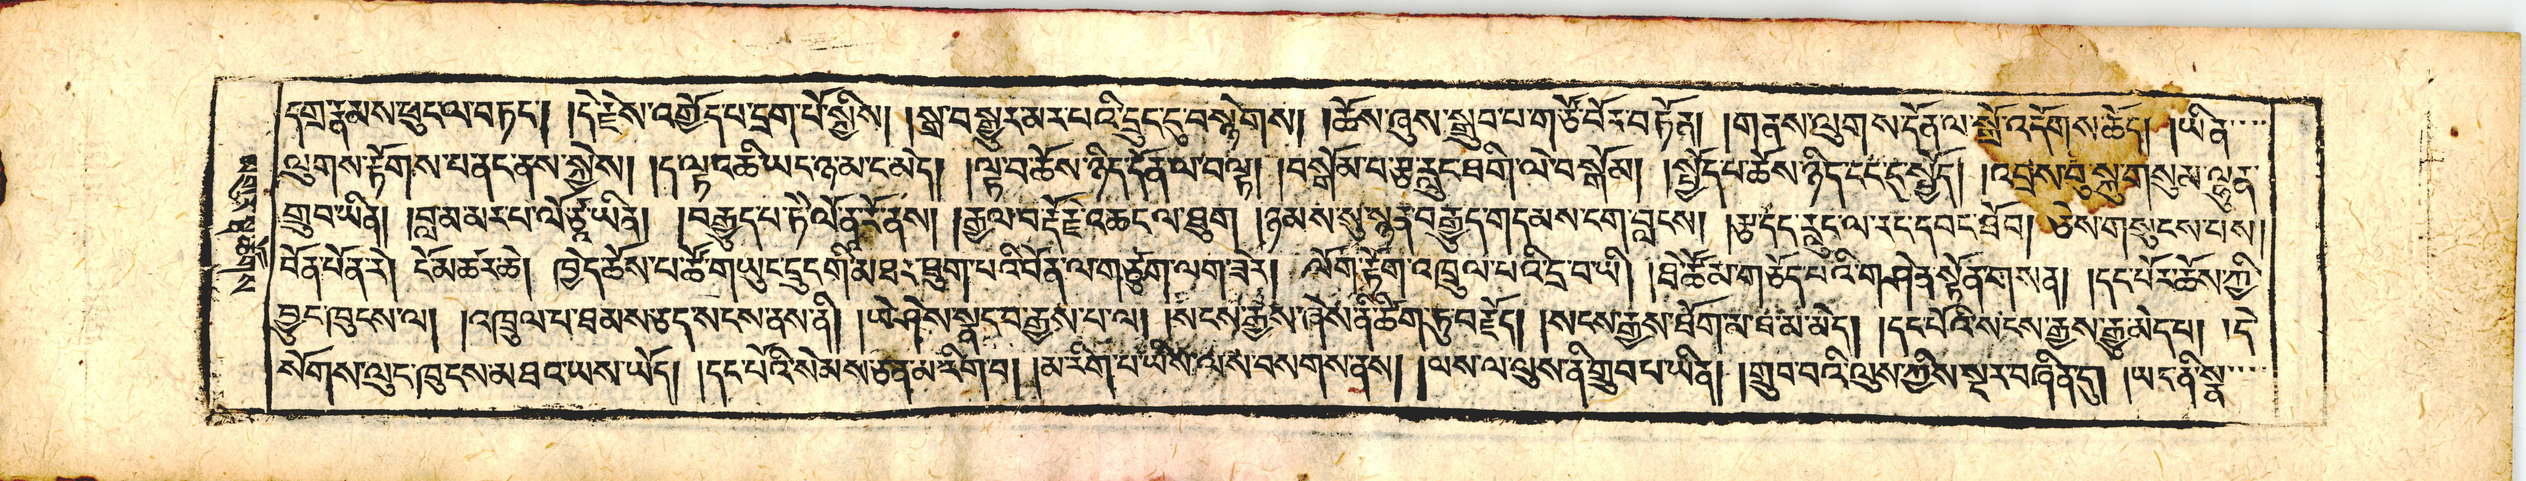དགྲ་རྣམས་ཕུང་ལ་བཏང་། །དེ་རྗེས་འགྱོད་པ་དྲག་པོ་སྐྱེས། །སྒྲ་བསྒྱུར་མར་པའི་དྲུང་དུ་བསྙེགས། །ཆོས་ཞུས་སྒྲུབ་པ་གཙོ་བོར་བརྟེན། །གནས་ལུགས་དོན་ལ་སྒྲོ་འདོགས་ཆོད། །ཡིན་
ལུགས་རྟོགས་པ་ནང་ནས་སྐྱེས། །ད་ལྟ་འཆི་ཡང་ཉམ་ང་མེད། །ལྟ་བ་ཆོས་ཉིད་དོན་ལ་བལྟ། །བསྒོམ་པ་རྩ་རླུང་ཐིག་ལེ་བསྒོམ། །སྤྱོད་པ་ཆོས་ཉིད་ངང་དུ་སྤྱོད། །འབྲས་བུ་སྐུ་གསུམ་ལྷུན་
གྲུབ་ཡིན། །བླ་མ་མར་པ་ལོ་ཙཱ་ཡིན། །བརྒྱུད་པ་ཏཻ་ལོ་ན་རོ་ནས། །རྒྱལ་བ་རྡོ་རྗེ་འཆང་ལ་ཐུག །ཉམས་སུ་སྙན་བརྒྱུད་གདམས་ངག་བླངས། །རྩ་དང་རླུང་ལ་རང་དབང་ཐོབ། ཅེས་གསུངས་པས། །
བོན་པོ་ན་རེ། ངོ་མཚར་ཆེ། ཁྱེད་ཆོས་པ་ཚོ་གཡུང་དྲུང་གི་མཐར་ཐུག་པའི་བོན་ལ་གཙུག་ལག་ཟེར། ལོག་རྟོག་འཁྲུལ་པའི་དྲ་བ་ཡི། །ཐེ་ཚོམ་གཅོད་པའི་གཤེན་སྟོན་གསན། །དང་པོར་ཆོས་ཀྱི་
བྱུང་ཁུངས་ལ། །འཁྲུལ་པ་ཐམས་ཅད་སངས་ནས་ནི། །ཡེ་ཤེས་སྣང་བ་རྒྱས་པ་ལ། །སངས་རྒྱས་ཞེས་ནི་ཚིག་ཏུ་བརྗོད། །སངས་རྒྱས་ཐོག་མ་ཐ་མ་མེད། །དང་པོའི་སངས་རྒྱས་རྒྱུ་མེ་དཔ། །དེ་
སོགས་ལུང་ཁུངས་མཐའ་ཡས་ཡོད། །དང་པོའི་སེམས་ཅན་མ་རིག་བ། །མ་རིག་པ་ཡིས་ལས་བསགས་ནས། །ལས་ལ་ལུས་ནི་གྲུབ་པ་ཡིན། །གྲུབ་པའི་ལུས་ཀྱིས་སྔར་བཞིན་དུ།།ཡང་ནི་སྣ་